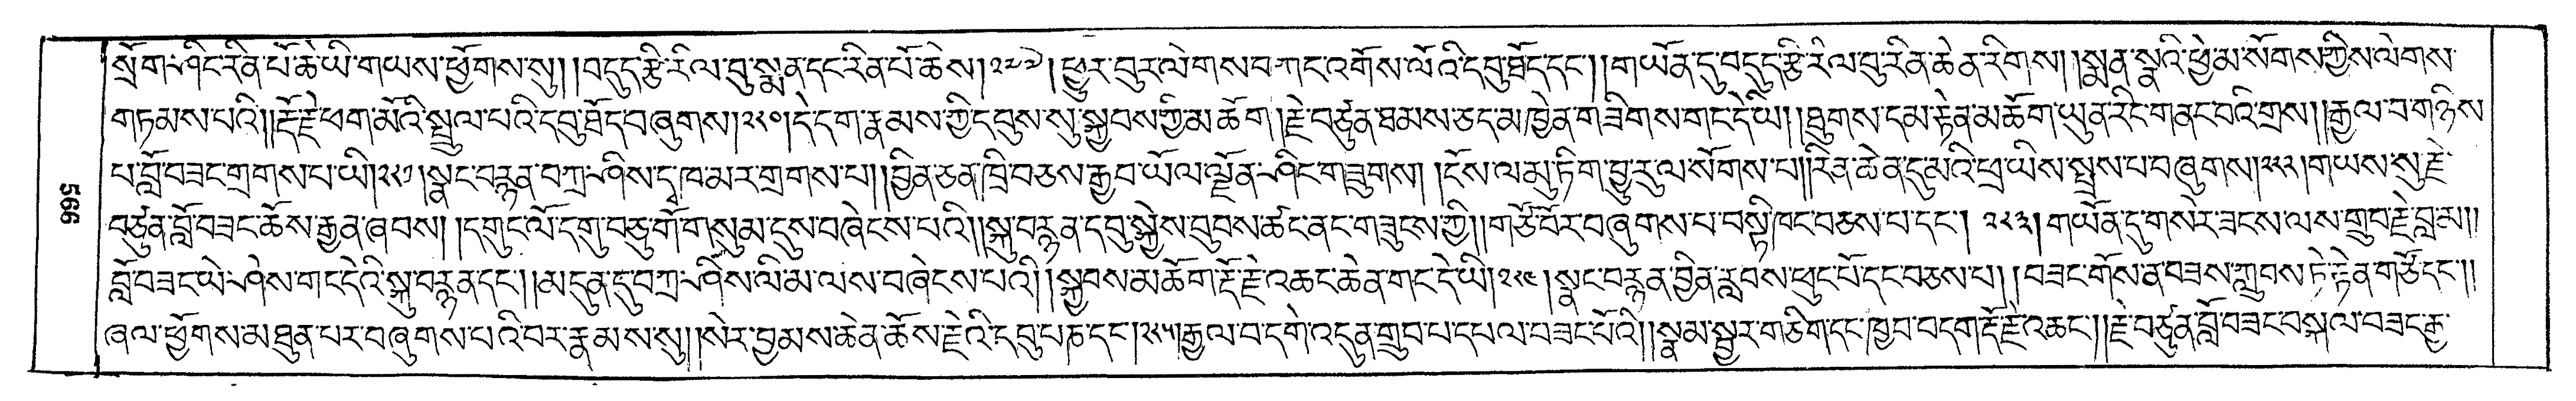སྲོག་ཤིང་རིན་པོ་ཆེ་ཡི་གཡས་ཕྱོགས་སུ། །བདུད་རྩི་རིལ་བུ་སྨན་དང་རིན་པོ་ཆེ་ས། ༢༧༧་།ཕྱུར་བུར་ལེགས་བཀང་འགོས་ལོའི་དབུ་ཐོད་དང་། །གཡོན་དུ་བདུད་རྩི་རིལ་བུ་རིན་ཆེན་རིགས། །སྨན་སྣའི་ཕྱེ་མ་སོགས་ཀྱིས་ལེགས་
གཏམས་པའི། །རྡོ་རྗེ་ཕག་མོའི་སྤྲུལ་པའི་དབུ་ཐོད་བཞུགས། ༢༨༠་།དེ་དག་རྣམས་ཀྱི་དབུས་སུ་སྐྱབས་ཀྱི་མཆོག །རྗེ་བཙུན་ཐམས་ཅད་མཁྱེན་གཟིགས་གང་དེ་ཡི། །ཐུགས་དམ་རྟེན་མཆོག་ཡུན་རིང་གནང་བའི་གྲས། །རྒྱལ་བ་གཉིས་
པ་བློ་བཟང་གྲགས་པ་ཡི། ༢༨༡་།སྣང་བརྙན་བཀྲ་ཤིས་དྭོ་ཁ་མར་གྲགས་པ། །བྱིན་ཅན་ཁྲི་བཅས་རྒྱབ་ཡོལ་ལྗོན་ཤིང་གཟུགས། །ངོས་ལ་མུ་ཏིག་བྱུ་རུ་ལ་སོགས་པ། །རིན་ཆེན་དུ་མའི་ཕྲ་ཡིས་སྤྲས་པ་བཞུགས། ༢༨༢་།གཡས་སུ་རྗེ་
བཙུན་བློ་བཟང་ཆོས་རྒྱན་ཞབས། །དགུང་ལོ་དགུ་བཅུ་གོ་གསུམ་དུས་བཞེངས་པའི། །སྐུ་བརྙན་དབུ་སྐྱེས་བུབས་ཚང་ནང་གཟུངས་ཀྱི། །གཙོ་བོར་བཞུགས་པ་བསྟི་ཁང་བཅས་པ་དང་། ༢༨༣་།གཡོན་དུ་གསེར་ཟངས་ལས་གྲུབ་རྗེ་བླ་མ།།
བློ་བཟང་ཡེ་ཤེས་གང་དེའི་སྐུ་བརྙན་དང་། །མདུན་དུ་བཀྲ་ཤིས་ལི་མ་ལས་བཞེངས་པའི། །སྐྱབས་མཆོག་རྡོ་རྗེ་འཆང་ཆེན་གང་དེ་ཡི། །༢༨༤། སྣང་བརྙན་བྱིན་རླབས་ཕུང་པོ་དང་བཅས་པ། །བཟང་གོས་ན་བཟས་ཀླུབས་ཏེ་རྟེན་གཙོ་དང་། །
ཞལ་ཕྱོགས་མཐུན་པར་བཞུགས་པའི་བར་རྣམས་སུ། །སེར་བྱམས་ཆེན་ཆོས་རྗེའི་དབུ་པཎ་དང་། ༢༨༥་།རྒྱལ་བ་དགེ་འདུན་གྲུབ་པ་དཔལ་བཟང་པོའི། །སྣམ་སྦྱར་གཅིག་དང་ཁྱབ་བདག་རྡོ་རྗེ་འཆང་། །རྗེ་བཙུན་བློ་བཟང་བསྐལ་བཟང་རྒྱ་